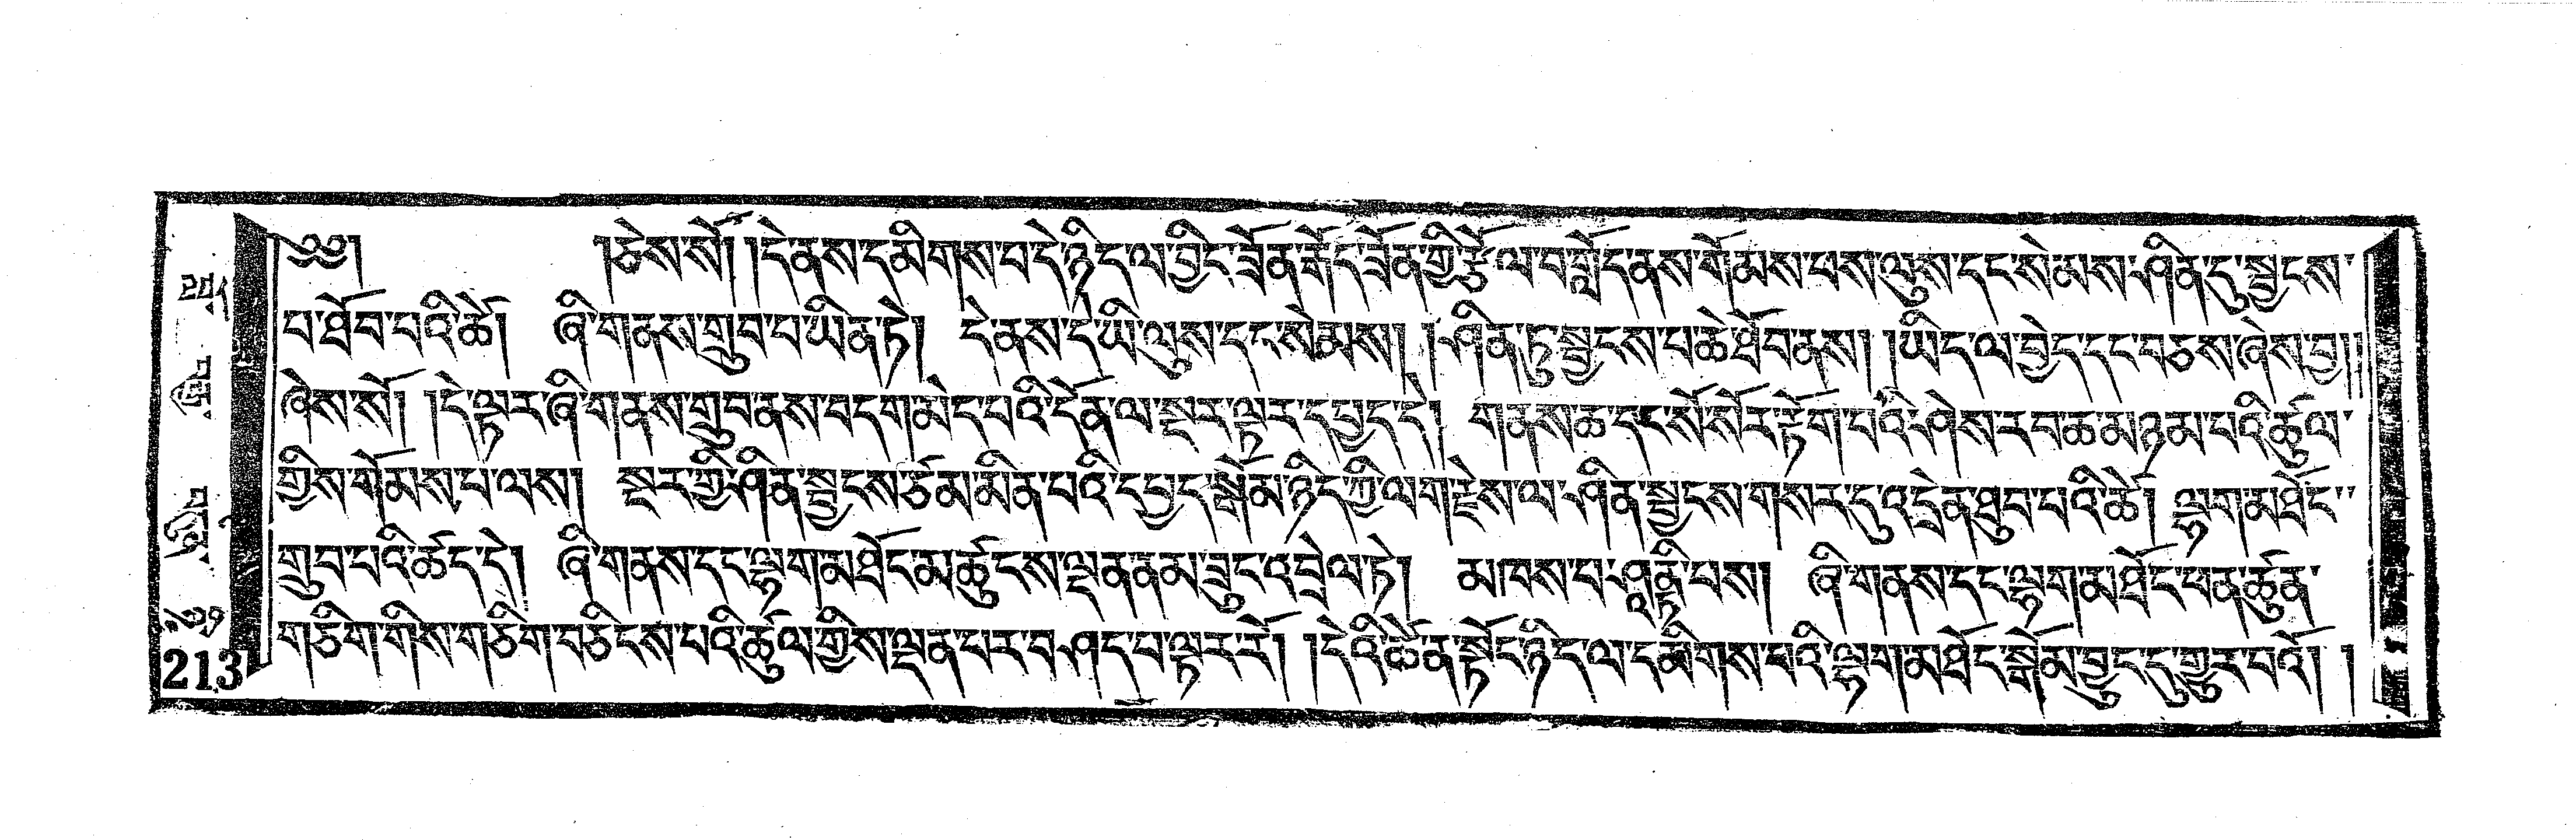༄༅། །ཅེས་སོ། །དེ་ནས་དམིགས་པ་དེ་ཉིད་ལ་བྱིང་ཟོན་རྒོད་ཟོན་གྱི་རྩོལ་བ་གློད་ནས་གོམས་པས་ལུས་དང་སེམས་ཤིན་དུ་སྦྱངས་
པ་ཐོབ་པའི་ཚེ། ཞི་གནས་གྲུབ་པ་ཡིན་ཏེ། དེ་ནས་དེ་ཡི་ལུས་དང་སེམས། །ཤིན་ཏུ་སྦྱངས་པ་ཆེ་ཐོབ་ནས། །ཡིད་ལ་བྱེད་དང་བཅས་ཞེས་བྱ། །
ཞེས་སོ། །དེ་ལྟར་ཞི་གནས་གྲུབ་ནས་བདག་མེད་པའི་དོན་ལ་སྔར་ལྟར་དཔྱད་དེ། གནས་ཆ་དང་སོ་སོར་རྟོག་པའི་ཤེས་རབ་ཆ་མཉམ་པའི་ཚུལ་
གྱིས་གོམས་པ་ལས། སྔར་གྱི་ཤིན་སྦྱངས་ཙམ་མིན་པའི་དཔྱད་སྒོམ་ཉིད་ཀྱི་ལག་རྗེས་ལ་ཤིན་སྦྱངས་གསར་དུ་འདྲེན་ཐུབ་པའི་ཚེ། ལྷག་མཐོང་
གྲུབ་པའི་ཚད་དེ། ཞི་གནས་དང་ལྷག་མཐོང་མཚུངས་ལྡན་ནམ་ཟུང་འབྲེལ་ཏེ། མཁས་པ་ཤཱནྟི་པས། ཞི་གནས་དང་ལྷག་མཐོང་ཕན་ཚུན་
གཅིག་གིས་གཅིག་བཅིངས་པའི་ཚུལ་གྱིས་ལྡན་པར་བཤད་པ་ལྟར་རོ། །དེའི་ཚེ་ན་སྟོང་ཉིད་ལ་དམིགས་པའི་ལྷག་མཐོང་སྒོམ་བྱུང་དུ་གྱུར་བའོ། །